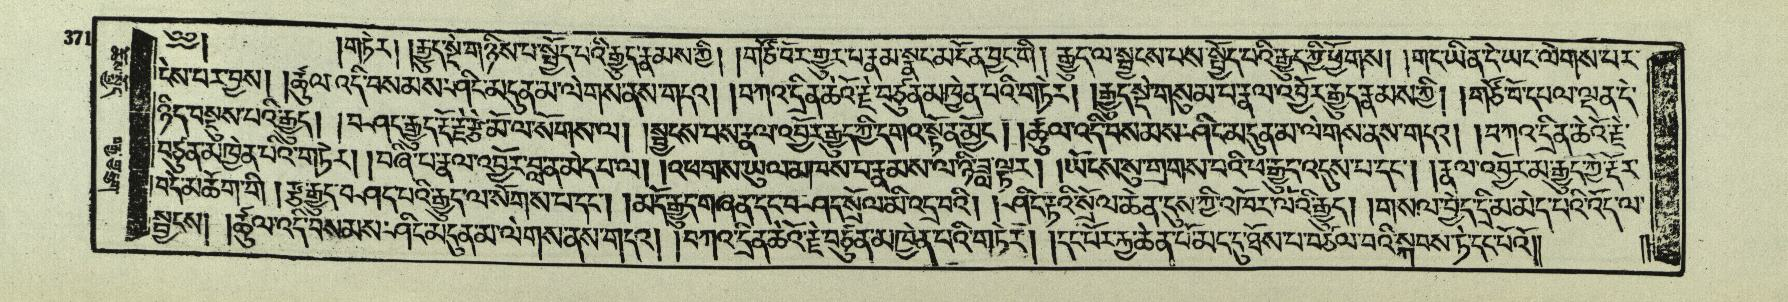༄༅། །གཏེར། །རྒྱུད་སྡེ་གཉིས་པ་སྤྱོད་པའི་རྒྱུད་རྣམས་ཀྱི། །གཙོ་བོར་གྱུར་པ་རྣམ་སྣང་མངོན་བྱང་གི། རྒྱུད་ལ་སྦྱངས་པས་སྤྱོད་པའི་རྒྱུད་ཀྱི་ཕྱོགས། །གང་ཡིན་དེ་ཡང་ལེགས་པར་
ངེས་པར་བྱས། །ཚུལ་འདི་བསམས་ཤིང་མདུན་མ་ལེགས་ནས་གདའ། །བཀའ་དྲིན་ཆེའོ་རྗེ་བཙུན་མཁྱེན་པའི་གཏེར། །རྒྱུད་སྡེ་གསུམ་པ་རྣལ་འབྱོར་རྒྱུད་རྣམས་ཀྱི། །གཙོ་བོ་དཔལ་ལྡན་དེ་
ཉིད་བསྡུས་པའི་རྒྱུད། །བཤད་རྒྱུད་རྡོ་རྗེ་རྩེ་མོ་ལ་སོགས་ལ། །སྦྱངས་པས་རྣལ་འབྱོར་རྒྱུད་ཀྱི་དགའ་སྟོན་མྱོང་། །ཚུལ་འདི་བསམས་ཤིང་མདུན་མ་ལེགས་ནས་གདའ། །བཀའ་དྲིན་ཆེའོ་རྗེ་
བཙུན་མཁྱེན་པའི་གཏེར། །བཞི་པ་རྣལ་འབྱོར་བླ་ན་མེད་པ་ལ། །འཕགས་ཡུལ་མཁས་པ་རྣམས་ལ་ཉི་ཟླ་ལྟར། །ཡོངས་སུ་གྲགས་པའི་ཕ་རྒྱུད་འདུས་པ་དང་། །རྣལ་འབྱོར་མ་རྒྱུད་ཀྱེ་རྡོར་
བདེ་མཆོག་གི། །རྩ་རྒྱུད་བཤད་པའི་རྒྱུད་ལ་སོགས་པ་དང་། །མདོ་རྒྱུད་གཞན་དང་བཤད་སྲོལ་མི་འདྲ་བའི། །ཤིང་རྟའི་སྲོལ་ཆེན་དུས་ཀྱི་འཁོར་ལོའི་རྒྱུད། །གསལ་བྱེད་དྲི་མ་མེད་པའི་འོད་ལ་
སྦྱངས། །ཚུལ་འདི་བསམས་ཤིང་མདུན་མ་ལེགས་ནས་གདའ། །བཀའ་དྲིན་ཆེའོ་རྗེ་བཙུན་མཁྱེན་པའི་གཏེར། །དང་པོར་རྐྱ་ཆེན་པོ་མང་དུ་ཐོས་པ་བཙལ་བའི་སྐབས་ཏེ་དང་པོའོ།། །།